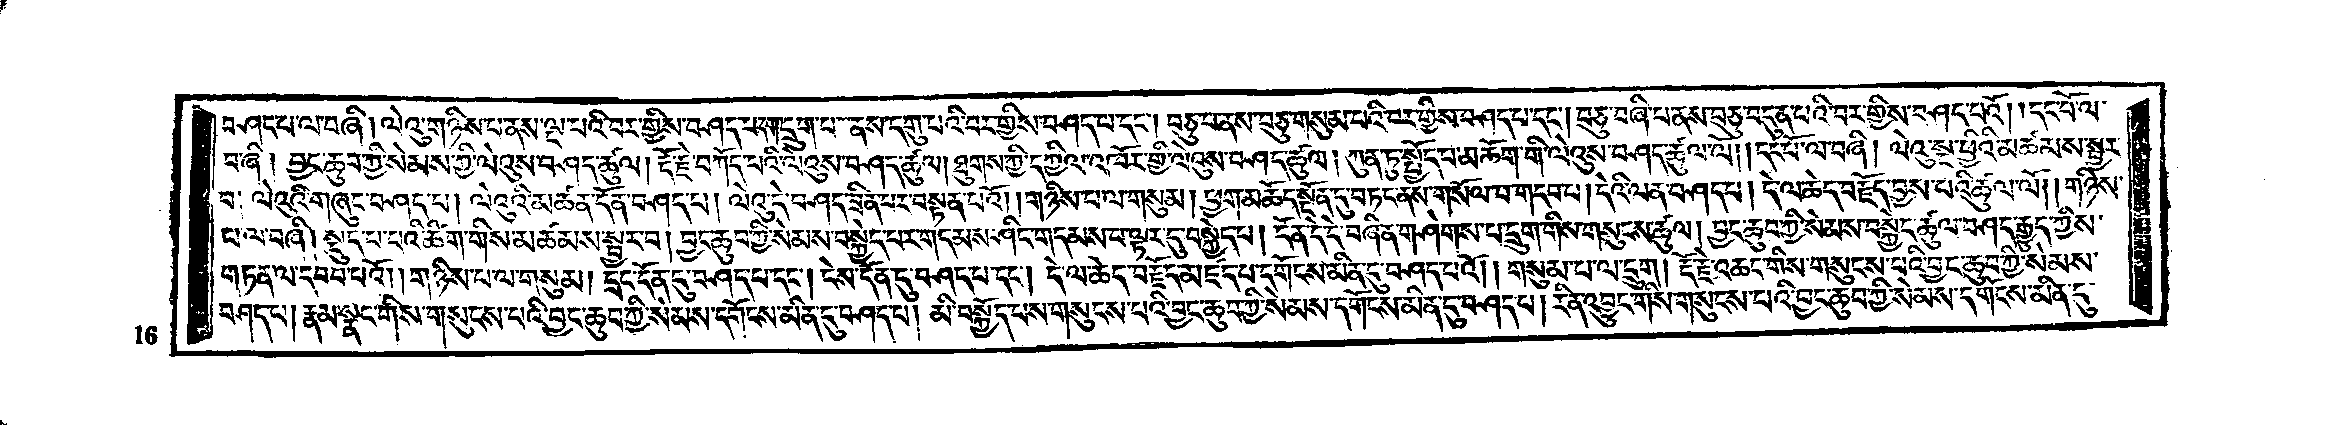བཤད་པ་ལ་བཞི། ལེའུ་གཉིས་པ་ནས་ལྔ་པའི་བར་གྱིས་བཤད་པ་དག་དྲུག་པ་ནས་དགུ་པའི་བར་གྱིས་བཤད་པ་དང་། བཅུ་པ་ནས་བཅུ་གསུམ་པའི་བར་གྱིས་བཤད་པ་དང་། བཅུ་བཞི་པ་ནས་བཅུ་བདུན་པའི་བར་གྱིས་བཤད་པའོ། །དང་པོ་ལ་
བཞི། བྱང་ཆུབ་ཀྱི་སེམས་ཀྱི་ལེའུས་བཤད་ཚུལ། རྡོ་རྗེ་བཀོད་པའི་ལེའུས་བཤད་ཚུལ། ཐུགས་ཀྱི་དཀྱིལ་འཁོར་གྱི་ལེའུས་བཤད་ཚུལ། ཀུན་ཏུ་སྤྱོད་པ་མཆོག་གི་ལེའུས་བཤད་ཚུལ་ལོ། །དང་པོ་ལ་བཞི། ལེའུ་སྔ་ཕྱིའི་མཚམས་སྦྱར་
བ། ལེའུའི་གཞུང་བཤད་པ། ལེའུའི་མཚན་དོན་བཤད་པ། ལེའུ་དེ་བཤད་ཟིན་པར་བསྟན་པའོ། །གཉིས་པ་ལ་གསུམ། ཕྱག་མཆོད་སྔོན་དུ་བཏང་ནས་གསོལ་བ་གདབ་པ། དེའི་ལན་བཤད་པ། དེ་ལ་ཆེད་བརྗོད་བྱས་པའི་ཚུལ་ལོ། །གཉིས་
པ་ལ་བཞི། སྡུད་པ་པོའི་ཚིག་གིས་མཚམས་སྦྱར་བ། བྱང་ཆུབ་ཀྱི་སེམས་བསྐྱེད་པར་གདམས་ཤིང་གདམས་པ་ལྟར་དུ་བསྐྱེད་པ། དོན་དེ་དེ་བཞིན་གཤེགས་པ་དྲུག་གིས་གསུངས་ཚུལ། བྱང་ཆུབ་ཀྱི་སེམས་བསྐྱེད་ཚུལ་བཤད་རྒྱུད་ཀྱིས་
གཏན་ལ་དབབ་པའོ། །གཉིས་པ་ལ་གསུམ། དྲང་དོན་དུ་བཤད་པ་དང་། ངེས་དོན་དུ་བཤད་པ་དང་། དེ་ལ་ཆེད་བརྗོད་མཛད་པ་དགོངས་མིན་དུ་བཤད་པའོ། །གསུམ་པ་ལ་དྲུག །རྡོ་རྗེ་འཆང་གིས་གསུངས་པའི་བྱང་ཆུབ་ཀྱི་སེམས་
བཤད་པ། རྣམ་སྣང་གིས་གསུངས་པའི་བང་ཆུབ་ཀྱི་སེམས་དགོངས་མིན་དུ་བཤད་པ། མི་བསྐྱོད་པས་གསུངས་པའི་བྱང་ཆུབ་ཀྱི་སེམས་དགོངས་མིན་དུ་བཤད་པ། རིན་འབྱུང་གིས་གསུངས་པའི་བྱང་ཆུབ་ཀྱི་སེམས་དགོངས་མིན་དུ་